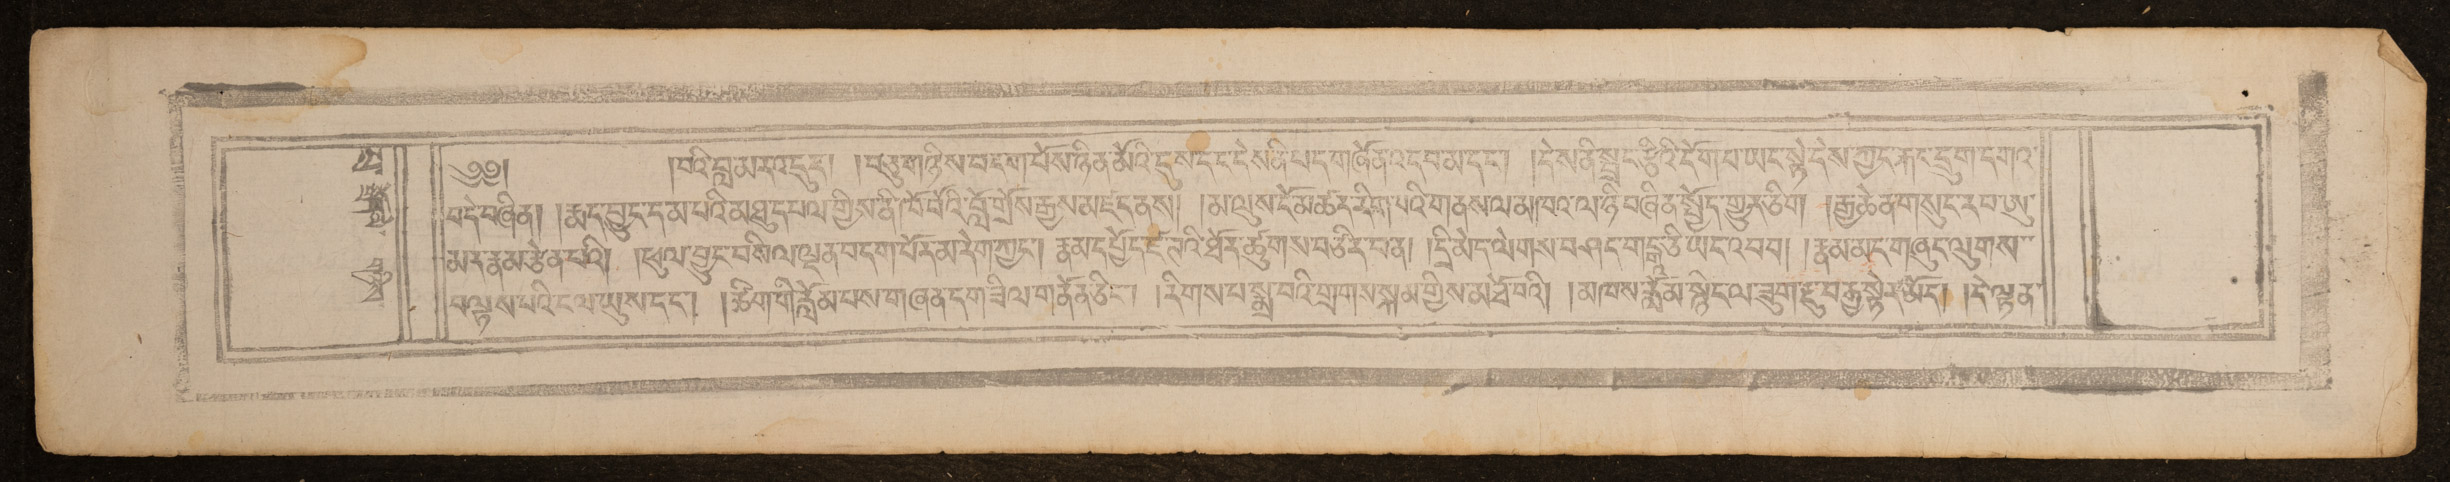༄༅། །བའི་བླ་མར་འདུད། །བཅུ་གཉིས་བདག་པོས་ཉིན་མོའི་དུས་དང་དེས་ནི་པད་གཞོན་འདབ་མ་དང་། །དེས་ནི་སྦྲང་རྩིའི་དོག་པ་ཡང་སྟེ་དེས་ཀྱང་རྐང་དྲུག་དགའ་
བདེ་བཞིན། །རྨད་བྱུང་དམ་པའི་མཐུ་དཔལ་གྱིས་ནི་ཁོ་བོའི་བློ་གྲོས་རྒྱས་མཛད་ནས། །མ་ལུས་ངོ་མཚར་རིག་པའི་གནས་ལ་མཁའ་ལ་ཉི་བཞིན་སྤྱོད་གྱུར་ཅིག །རྒྱ་ཆེན་གསུང་རབ་ཨུ་
མར་རྣམ་རྩེན་པའི། །ཕུལ་བྱུང་བསིལ་ལྡན་བདག་པོར་མ་རེག་ཀྱང་། །རྣམ་དཔྱོད་ཛ་ཊའི་ཐོར་ཚུགས་བཙིར་བ་ན། །དྲི་མེད་ལེགས་བཤད་གངྒཱ་ཅི་ཡང་འབབ། །རྣམ་མང་གཞུང་ལུགས་
བལྟས་པའི་ངལ་ཡུས་དང་། །ཚིག་གི་རློམ་པས་གཞན་དག་ཟིལ་གནོན་ཅིང་། །རིགས་པ་སྨྲ་བའི་གྲགས་སྐམ་གྱིས་མཐོ་བའི། །མཁས་རློམ་སྙིང་ལ་ཟུག་རྔུ་བརྒྱ་སྟེར་མོད། །དེ་ལྟ་ན་